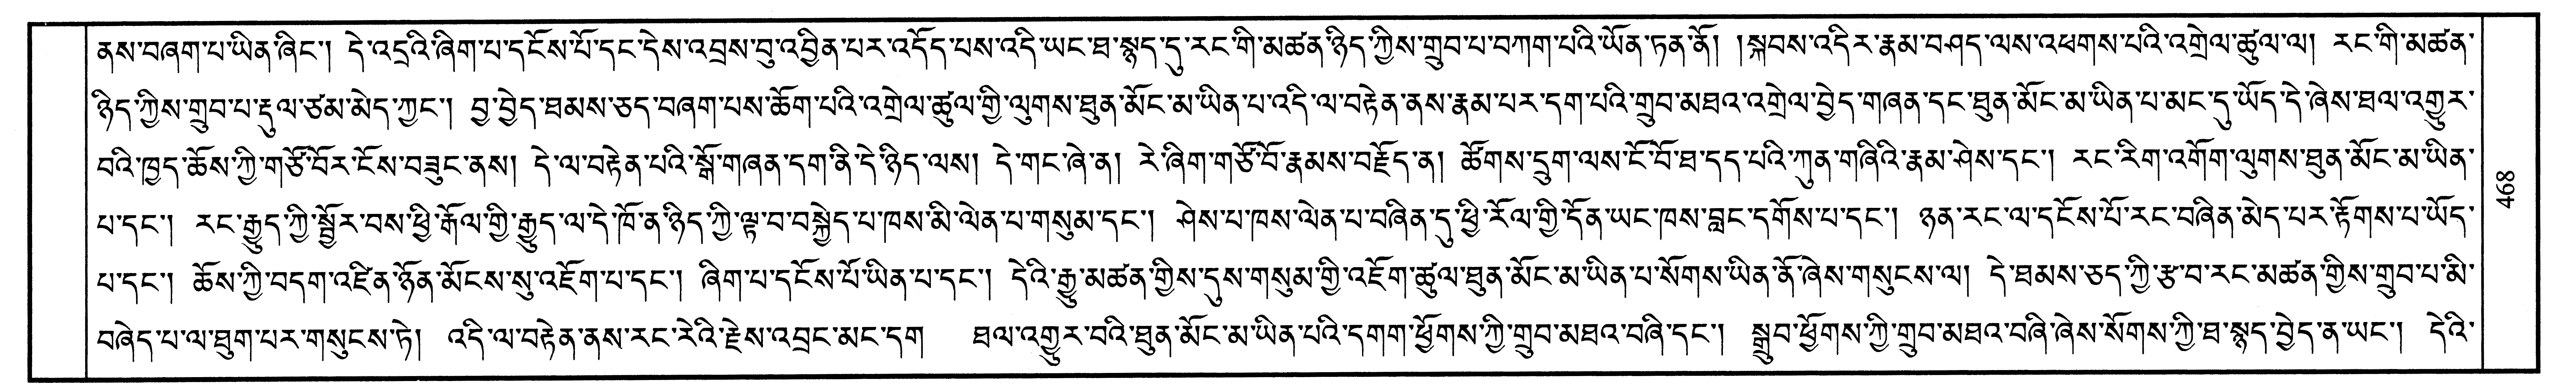ནས་བཞག་པ་ཡིན་ཞིང་། དེ་འདྲའི་ཞིག་པ་དངོས་པོ་དང་དེས་འབྲས་བུ་འབྱིན་པར་འདོད་པས་འདི་ཡང་ཐ་སྙད་དུ་རང་གི་མཚན་ཉིད་ཀྱིས་གྲུབ་པ་བཀག་པའི་ཡོན་ཏན་ནོ། །སྐབས་འདིར་རྣམ་བཤད་ལས་འཕགས་པའི་འགྲེལ་ཚུལ་ལ། རང་གི་མཚན་
ཉིད་ཀྱིས་གྲུབ་པ་རྡུལ་ཙམ་མེད་ཀྱང་བྱ་བྱེད་ཐམས་ཅད་བཞག་པས་ཆོག་པའི་འགྲེལ་ཚུལ་གྱི་ལུགས་ཐུན་མོང་མ་ཡིན་པ་འདི་ལ་བརྟེན་ནས་རྣམ་པར་དག་པའི་གྲུབ་མཐའ་འགྲེལ་བྱེད་གཞན་དང་ཐུན་མོང་མ་ཡིན་པ་མང་དུ་ཡོད་དེ་ཞེས་ཐལ་འགྱུར་
བའི་ཁྱད་ཆོས་ཀྱི་གཙོ་བོར་ངོས་བཟུང་ནས། དེ་ལ་བརྟེན་པའི་སྒོ་གཞན་དག་ནི་དེ་ཉིད་ལས། དེ་གང་ཞེ་ན། རེ་ཞིག་གཙོ་བོ་རྣམས་བརྗོད་ན། ཚོགས་དྲུག་ལས་ངོ་བོ་ཐ་དད་པའི་ཀུན་གཞིའི་རྣམ་ཤེས་དང་། རང་རིག་འགོག་ལུགས་ཐུན་མོང་མ་ཡིན་
པ་དང་། རང་རྒྱུད་ཀྱི་སྦྱོར་བས་ཕྱི་རྒོལ་གྱི་རྒྱུད་ལ་དེ་ཁོ་ན་ཉིད་ཀྱི་ལྟ་བ་བསྐྱེད་པ་ཁས་མི་ལེན་པ་གསུམ་དང་། ཤེས་པ་ཁས་ལེན་པ་བཞིན་དུ་ཕྱི་རོལ་གྱི་དོན་ཡང་ཁས་བླངས་དགོས་པ་དང་། ཉན་རང་ལ་དངོས་པོ་རང་བཞིན་མེད་པ་རྟོགས་པ་ཡོད་
པ་དང་། ཆོས་ཀྱི་བདག་འཛིན་ཉོན་མོངས་སུ་འཇོག་པ་དང་། ཞིག་པ་དངོས་པོ་ཡིན་པ་དང་། དེའི་རྒྱུ་མཚན་གྱིས་དུས་གསུམ་གྱི་འཇོག་ཚུལ་ཐུན་མོང་མ་ཡིན་པ་སོགས་ཡིན་ནོ་ཞེས་གསུངས་ལ། དེ་ཐམས་ཅད་ཀྱི་རྩ་བ་རང་མཚན་གྱིས་གྲུབ་པ་མི་
བཞེད་པ་ལ་ཐུག་པར་གསུངས་ཏེ། འདི་ལ་བརྟེན་ནས་རང་རེའི་རྗེས་འབྲང་མང་དག །ཐལ་འགྱུར་བའི་ཐུན་མོང་མ་ཡིན་པའི་དགག་ཕྱོགས་ཀྱི་གྲུབ་མཐའ་བཞི་དང་། སྒྲུབ་ཕྱོགས་ཀྱི་གྲུབ་མཐའ་བཞི་ཞེས་སོགས་ཀྱི་ཐ་སྙད་བྱེད་ན་ཡང་། དེའི་